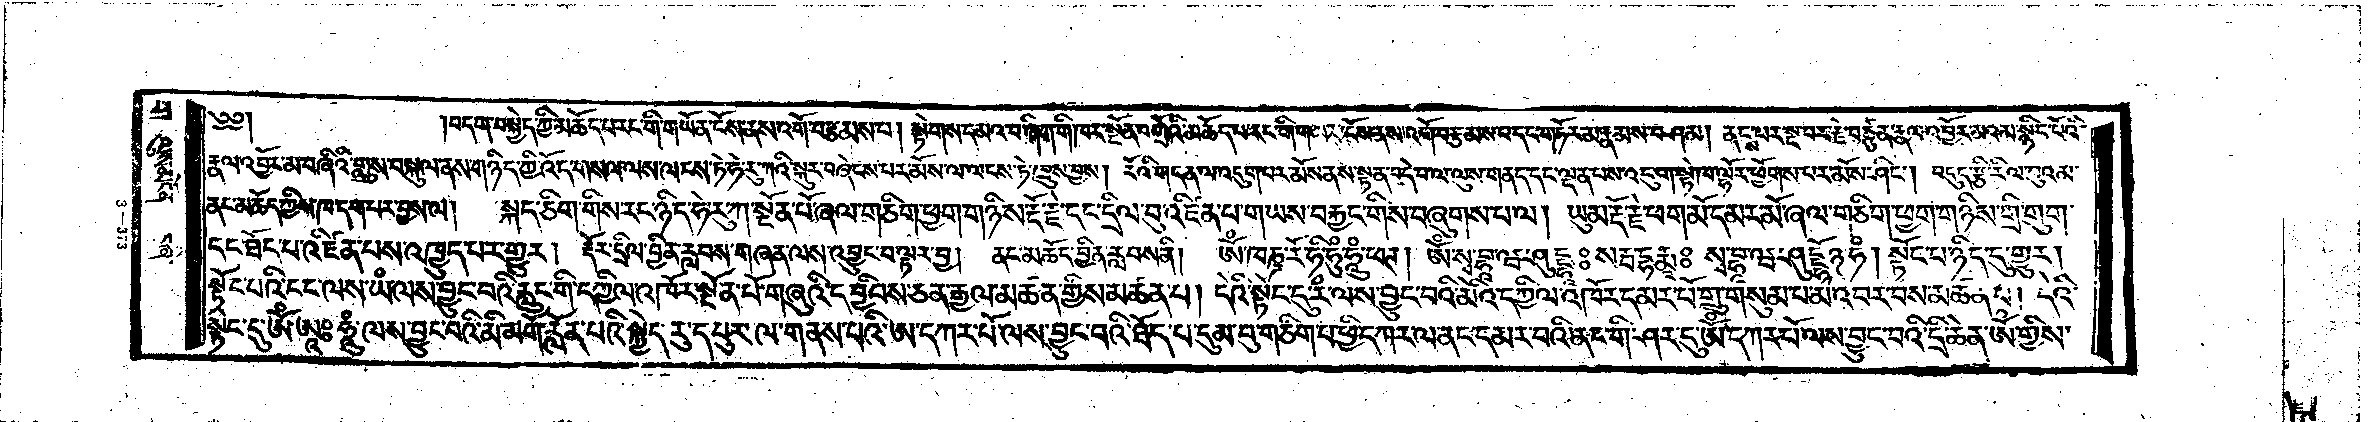༄༅། །བདག་བསྐྱེད་ཀྱི་མཆོད་པ་རང་གི་གཡོན་ངོས་ནས་འགོ་བརྩམས་པ། སྟེགས་དམའ་བ་ཞིག་གི་ཁར་སྔོན་འགྲོའི་མཆོད་པ་རང་གི་གསར་ངོས་ནས་འགོ་བརྩམས་པ་དང་གཏོར་མ་རྣམས་བཤམ། ནངས་པར་སྔ་བར་རྗེ་བཙུན་རྣལ་འབྱོར་མའམ་སྙིང་པོའི་
རྣལ་འབྱོར་མ་བཞིའི་གླུས་བསྐུལ་ནས་གཉིད་ཀྱི་འོད་གསལ་ལས་ལངས་ཏེ་ཧེ་རུ་ཀའི་སྐུར་བཞེངས་པར་མོས་ལ་ལངས་ཏེ་ཁྲུས་བྱས། རོའི་གདན་ལ་འདུག་པར་མོས་ནས་སྟན་བདེ་བ་ལ་ལུས་གནད་དང་ལྡན་པས་འདུག་སྟེ་ཁ་ལྷོར་ཕྱོགས་པར་མོས་ཤིང་། བདུད་རྩི་རིལ་བུའམ་
ནང་མཆོད་ཀྱིས་ཁ་དག་པར་བྱས་ལ། སྐད་ཅིག་གིས་རང་ཉིད་ཇེ་རུ་ཀ་སྔོན་པོ་ཞལ་གཅིག་ཕྱག་གཉིས་རྡོ་རྗེ་དང་དྲིལ་བུ་འཛིན་པ་གཡས་བརྐྱང་གིས་བཞུགས་པ་ལ། ཡུམ་རྡོ་རྗེ་ཕག་མོ་དམར་མོ་ཞལ་གཅིག་ཕྱག་གཉིས་གྲི་གུག་
དང་ཐོད་པ་འཛིན་པས་འཁྱུད་པར་གྱུར། རྡོར་དྲིལ་བྱིན་རླབས་གཞན་ལས་འབྱུང་པ་ལྟར་བྱ། ནང་མཆོད་བྱིན་རླབས་ནི། ཨོཾ་ཁཎྜ་རོ་ཧི་ཧཱུཾ་ཧཱུཾ་ཕཊ། ཨོཾ་སྭ་བྷཱ་ཝ་ཤུདྡྷཱཿ སརྦ་དྷརྨཱཿ སྭ་བྷཱ་ཝ་ཤུདྡྷOཉ་ཧཾ། སྟོང་པ་ཉིད་དུ་གྱུར།
སྟོང་པའི་ངང་ལས་ཡཾ་ལས་བྱུང་བའི་རླུང་གི་དཀྱིལ་འཁོར་སྔོན་པོ་གཞུའི་དབྱིབས་ཅན་རྒྱལ་མཚན་གྱིས་མཚན་པ། དེའི་སྟེང་དུ་རཾ་ལས་བྱུང་བའི་མེའི་དཀྱིལ་འཁོར་དམར་པོ་གྲུ་གསུམ་པ་མི་འབར་བས་མཚན་པ། དེའི་
སྟེང་དུ་ཨོཾ་ཨཱཿ ཧཱུཾ་ལས་བྱུང་བའི་མི་མགོ་རློན་པའི་སྐྱེད་རུ་དཔུར་ལ་གནས་པའི་ཨ་དཀར་པོ་ལས་བྱུང་བའི་ཐོད་པ་དུམ་བུ་གཅིག་པ་ཕྱི་དཀར་ལ་ནང་དམར་བའི་ནང་གི་ཤར་དུ་ཨོཾ་དཀར་པོ་ལས་བྱུང་བའི་དྲི་ཆེན་ཨོཾ་གྱིས་